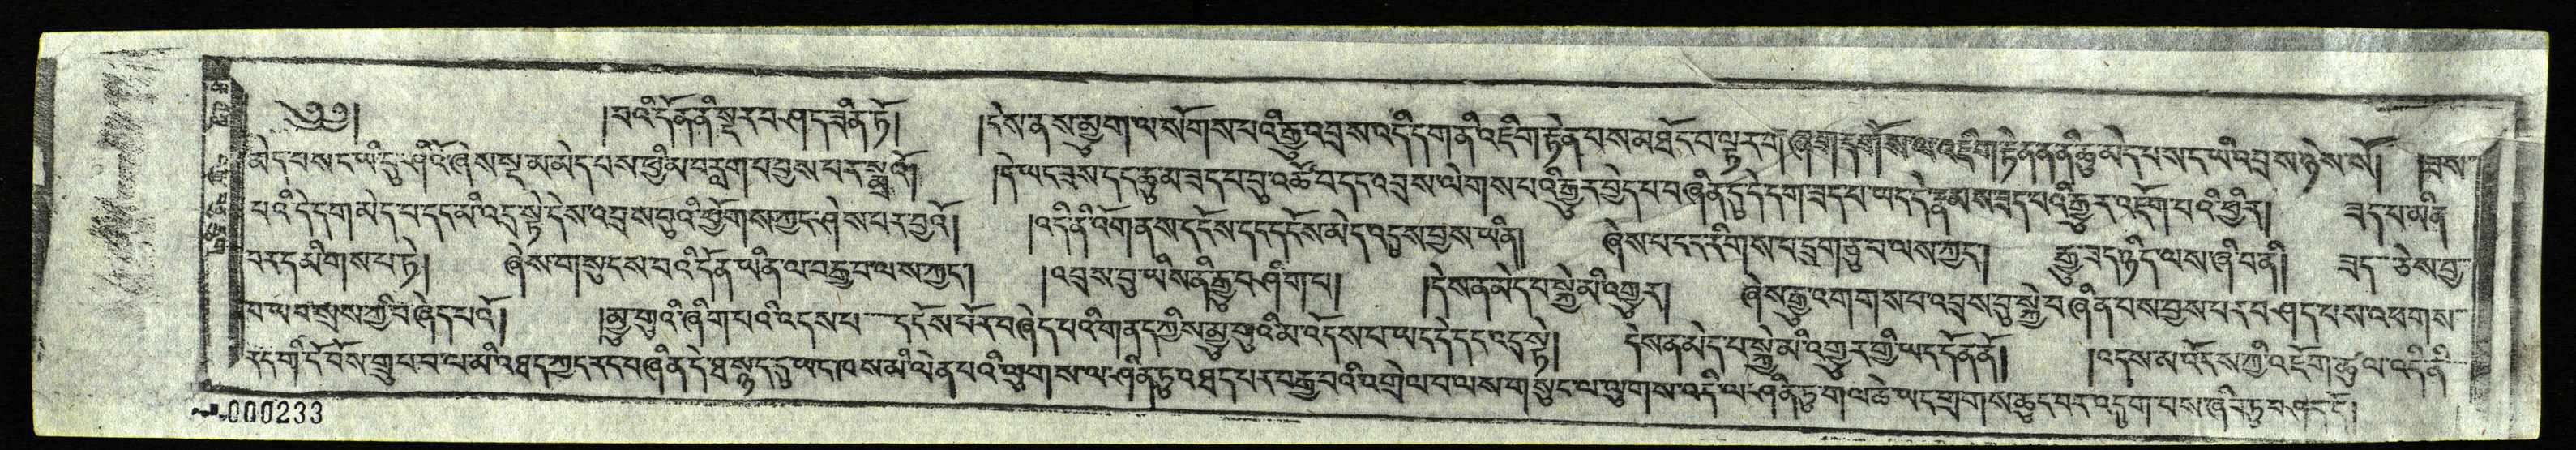༄༅། །པའི་དོན་ནི་སྔར་བཤད་ཟིན་ཏོ། །དེས་ནས་མྱུག་ལ་སོགས་པའི་རྒྱུ་འབྲས་འདི་དག་ནི་འཇིག་རྟེན་པས་མཐོང་བ་ལྟར་གཞག་དགོས་ལ་འཇིག་རྟེན་ན་ནི་ཆུ་མེད་པས་ང་ཡི་འབྲས་ཉེས་སོ། །ཟས་
མེད་པས་ང་ཡི་དུ་ཤིའོ་ཞེས་སྔ་མ་མེད་པས་ཕྱི་མ་བརླག་པ་བྱས་པར་སྨྲའོ། །དེ་ཡང་ཟས་དང་ཆུ་མ་ཟད་པ་བུ་འཚོ་བ་དང་འབྲས་ལེགས་པའི་རྒྱུར་བྱེད་པ་བཞིན་དུ་དེ་དག་ཟད་པ་ཡང་དེ་རྣམས་ཟད་པའི་རྒྱུར་འཇོག་པའི་ཕྱིར། ཟད་པ་མིན་
པའི་དེ་དག་མེད་པ་དང་མི་འདྲ་སྟེ་དེས་འབྲས་བུའི་ཕྱོགས་ཀྱང་ཤེས་པར་བྱའོ། །འདི་ནི་འོག་ནས་དངོས་དང་དངོས་མེད་འདུས་བྱས་ཡིན། ཞེས་པ་དང་རིགས་པ་དྲུག་ཅུ་པ་ལས་ཀྱང་། རྒྱུ་ཟད་ཉིད་ལས་ཞི་བ་ནི། ཟད་ཅེས་བྱ་
པར་དམིགས་པ་ཏེ། ཞེས་གསུངས་པའི་དོན་ཡིན་ལ་བརྒྱ་བ་ལས་ཀྱང་། །འབྲས་བུ་ཡིས་ནི་རྒྱུ་བཤིག་པ། །དེས་ན་མེད་པ་སྐྱེ་མི་འགྱུར། ཞེས་རྒྱུ་འགགས་པ་འབྲས་བུ་སྐྱེ་བཞིན་པས་བྱས་པར་བཤད་པས་འཕགས་
པ་ཡབ་སྲས་ཀྱི་བཞེད་པའོ། །མྱུ་གུའི་ཞིག་པའི་འདས་པ་དངོས་པོར་བཞེད་པའི་གནད་ཀྱིས་མྱུ་གུའི་མ་འོད་ས་པ་ཡང་དེ་དང་འདྲ་སྟེ། དེས་ན་མེད་པ་སྐྱེ་མི་འགྱུར་གྱི་ཡང་དོན་ནོ། །འདས་མ་འོངས་ཀྱི་འཇོག་ཚུལ་འདི་ནི་
རང་གི་ངོ་བོས་གྲུབ་པ་ལ་མི་འཐད་ཀྱང་རང་བཞིན་དེ་ཐ་སྙད་དུ་ཡང་ཁས་མི་ལེན་པའི་ལུགས་ལ་ཤིན་ཏུ་འཐད་པར་བརྒྱ་བའི་འགྲེལ་བ་ལས་གསུང་ལ་ལུགས་འདི་ལ་ཤིན་ཏུ་གལ་ཆེ་ཡང་གྲགས་ཆུང་བར་འདུག་པས་ཞིབ་ཏུ་བཤད་དོ།